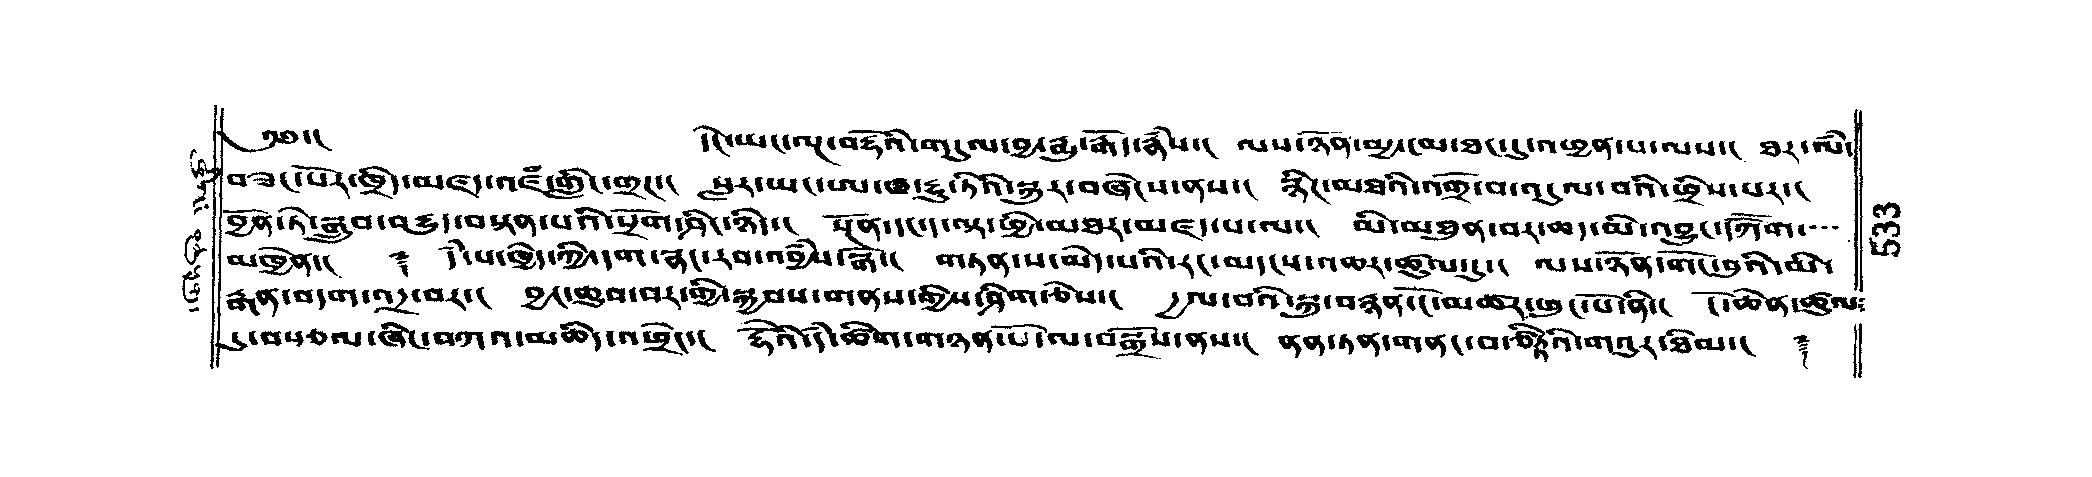།དེང་ཡང་ལྔ་བརྡོའི་གདུལ་བྱ་རྨུ་རྒོད་རྣམས། །ལས་ཉོན་མྱ་ངམ་ཐང་དུ་འཕྱན་པ་ལས། །ཐར་ལམ་
བཟང་པོར་ཁྲིད་མཛད་མཛམ་གླིང་གྲགས། །སླར་ཡང་ཝ་དྷུ་ཏིའི་སྐུར་བཞེངས་ནས། །སྙིགས་མཐའི་འགྲོ་བ་འདུལ་བའི་ཕྲིན་ལས་པར། །
བྱོན་ཏེ་སྒྲུབ་བརྒྱུད་བསྟན་པའི་སྲོག་ཤིང་ཉིད། །སྔོན་དང་ད་ལྟ་ཕྱི་མཐར་མཛད་པ་ལ། །མི་མཐུན་བར་ཆད་མི་འབྱུང་དཀོན་མཆོག་
མཁྱེན། །དམ་པ་ཁྱེད་ཀྱི་དག་སྣང་རབ་འབྱམས་སྒོ། །གཏན་པ་མེད་པའི་རང་མདངས་འཆར་ཚུལ་དུ། །ལས་ཉོན་གོང་བུའི་མི་
རྒན་བདག་འདྲ་བར། །བྱང་ཆུབ་བར་གྱི་སྐྱབས་གནས་གྱིས་ཤིག་ཅེས། །རྒྱལ་བའི་སྐུ་བརྙན་ངོ་མཚར་ཕུང་པོ་ནི། །ངོ་ཆེན་ཚུལ་
དུ་བསྩལ་ཞིང་བཀའ་མཆིད་འཕྲེང་། །རྡོ་རྗེའི་དམ་ཚིག་གཉན་པོ་ལ་སྦྲེལ་ནས། །ནན་ཏན་གནང་བ་ཙིཏྟའི་གའུར་ཐིམ།